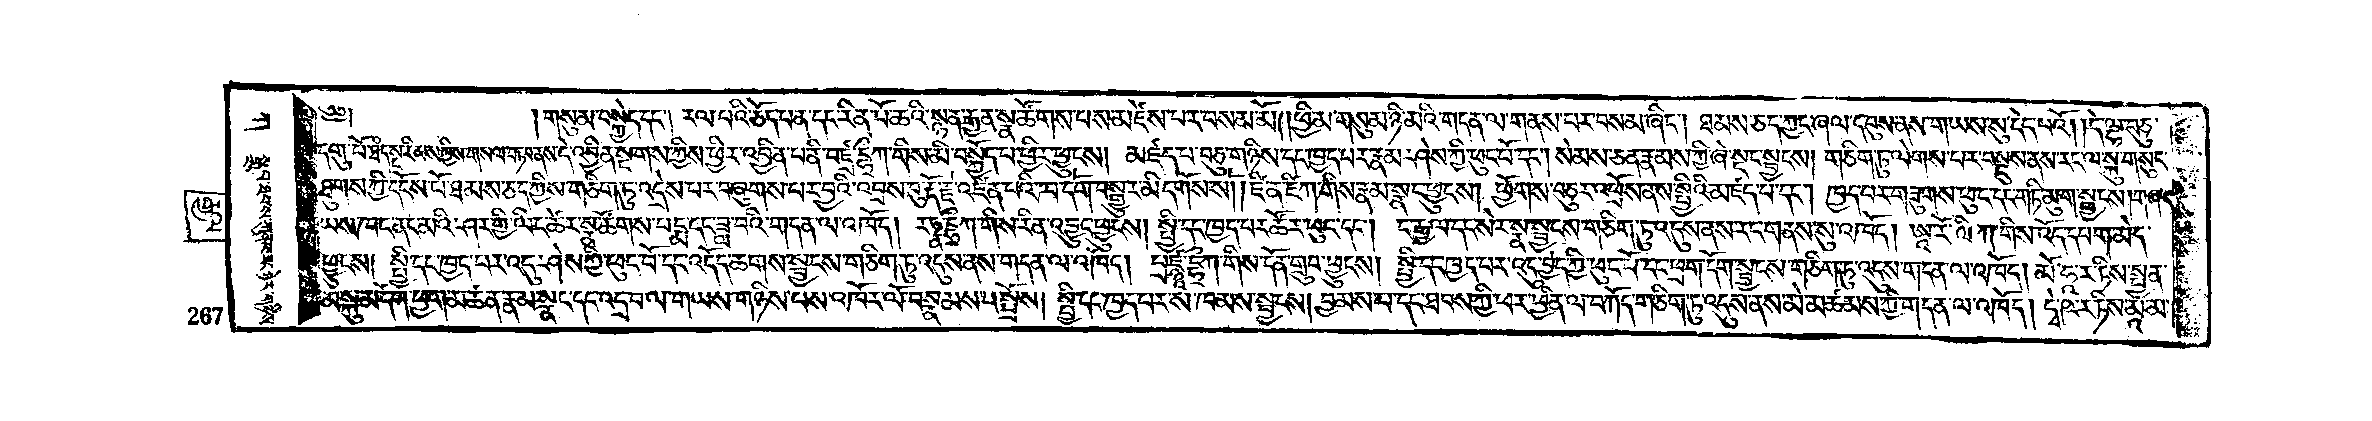༄༅། །གསུམ་བསྐྱེད་དང་། རལ་པའི་ཅོད་པན་དང་རིན་པོ་ཆའི་སྙན་རྒྱན་སྣ་ཚོགས་པས་མཛེས་པར་བསམ་མོ། །ཕྱི་མ་གསུམ་ཉི་མའི་གདན་ལ་གནས་པར་བསམ་ཞིང་། ཐམས་ཅད་ཀྱང་ཞལ་དབུས་ནས་གཡས་སུ་དེད་པའོ། །དེ་ལྷ་བཅུ་
དགུ་པོ་ཐམས་ཅད་སྔ་རིམས་ཀྱིས་གསལ་བཏབ་ནས་དེ་འབྱིན་སྔགས་ཀྱིས་ཕྱིར་འབྱིན་པ་ནི་བྫྲ་དྷྲྀ་ཀ་གིས་མི་བསྐྱོད་པ་ཕྱིར་ཕྱུངས། མཛད་པ་བཅུ་གཉིས་དང་ཁྱད་པར་རྣམ་ཤེས་ཀྱི་ཕུང་པོ་དང་། སེམས་ཅན་རྣམས་ཀྱི་ཞེ་སྡང་སྦྱངས། གཅིག་ཏུ་ལེགས་པར་བསྡུས་ནས་རང་ལ་སྐུ་གསུང་
ཐུགས་ཀྱི་དངོས་པོ་ཐམས་ཅད་ཀྱིས་གཅིག་ཏུ་འདྲེས་པར་བཞུགས་པར་བྱའི་འབྲས་བུ་རྡོ་རྗེ་འཛིན་པའི་ཁ་དོག་བསྒྱུར་མི་དགོས་སོ། །ཛི་ན་ཛིཀ་གིས་རྣམ་སྣང་ཕྱུངས། ཕྱོགས་བཅུར་འཕྲོས་ནས་སྤྱིའི་མཛད་པ་དང་། ཁྱད་པར་གཟུགས་ཕུང་དང་གཏི་མུག་སྦྱངས། གཞལ་
ཡས་ཁང་ནང་མའི་ཤར་གྱི་ལིང་ཚེར་སྣ་ཚོགས་པདམ་དང་ཟླ་བའི་གདན་ལ་འཁོད། རཏན་དྷྲྀ་ཀ་གིས་རིན་འབྱུང་ཕྱུངས། སྤྱི་དང་ཁྱད་པར་ཚོར་ཕུང་དང་། ང་རྒྱལ་དང་སེར་སྣ་སྦྱངས་གཅིག་ཏུ་འདུས་ནས་རང་གནས་སུ་འཁོད། ཨཱ་རོ་ལི་ཀ་གིས་འོད་དཔག་མེད་
ཕྱུངས། སྤྱི་དང་ཁྱད་པར་འདུ་ཤེས་ཀྱི་ཕུང་པོ་དང་འདོད་ཆགས་སྦྱངས་གཅིག་ཏུ་འདུས་ནས་གདན་ལ་འཁོད། པྲ་ཛྙཱ་དྷྲྀ་ཀ་གིས་དོན་གྲུབ་ཕྱུངས། སྤྱི་དང་ཁྱད་པར་འདུ་བྱེད་ཀྱི་ཕུང་པོ་དང་ཕྲག་དོག་སྦྱངས་གཅིག་ཏུ་འདུས་གདན་ལ་འཁོད། མོ་ཧཱ་ར་ཏིས་སྤྱན་
མ་སྐུ་མདོག་ཕྱག་མཚན་རྣམ་སྣང་དང་འདྲ་བ་ལ་གཡས་གཉིས་པས་འཁོར་ལོ་བསྣམས་པ་སྤྲོས། སྤྱི་དང་ཁྱད་པར་ས་ཁམས་སྦྱངས། བྱམས་པ་དང་ཐབས་ཀྱི་ཕར་ཕྱིན་ལ་བཀོད་གཅིག་ཏུ་འདུས་ནས་མེ་མཚམས་ཀྱི་གདན་ལ་འཁོད། དྭེ་ཥ་ར་ཏིས་མཱ་མ་